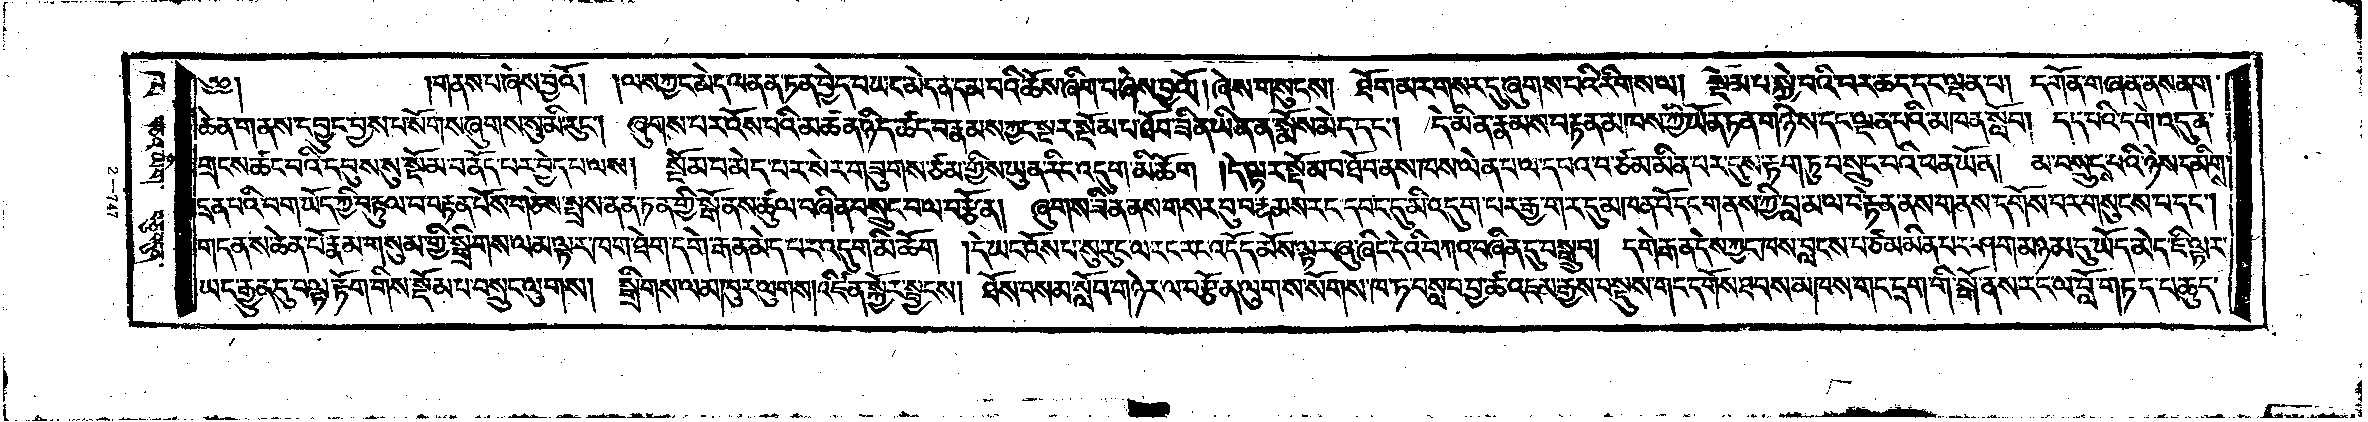༄༅། །གནས་པ་ཞེས་བྱའོ། །ལས་ཀྱང་མེད་ལ་ནན་ཏན་བྱེད་པ་ཡང་མེད་ན་དམ་པའི་ཆོས་ཞིག་བ་ཞེས་བྱའོ། །ཞེས་གསུངས། ཐོག་མར་གསར་དུ་ཞུགས་པའི་རིགས་ལ། སྡོམ་པ་སྐྱེ་བའི་བར་ཆད་དང་ལྡན་པ། དགོན་གཞན་ནས་ནག་
ཆེན་གནས་དབྱུང་བྱས་པ་སོགས་ཞུགས་སུ་མི་རུང་། ཞུགས་པར་འོས་པའི་མཚན་ཉིད་ཚང་བ་རྣམས་ཀྱང་སྔར་སྡོམ་པ་ཐོབ་ཟིན་ཡིན་ན་སྨོས་མེད་དང་། དེ་མིན་རྣམས་བརྟན་མཁས་ཀྱི་ཡོན་ཏན་གཉིས་དང་ལྡན་པའི་མཁན་སློབ། དད་པའི་དགེ་འདུན་
གྲངས་ཚང་བའི་དབུས་སུ་སྡོམ་པ་ནོད་བར་བྱེད་པ་ལས། སྡོམ་པ་མེད་པར་སེར་གཟུགས་ཙམ་གྱིས་ཡུན་རིང་འདུག་མི་ཆོག །དེ་ལྟར་སྡོམ་པ་ཐོབ་ནས་ཁས་ལེན་པ་ལ་དཔའ་བ་ཙམ་མིན་པར་དུས་རྟག་ཏུ་བསྲུང་བའི་ཕན་ཡོན། མ་བསྲུངས་བའི་ཉེས་དམིགས་
དྲན་པའི་བག་ཡོད་ཀྱི་བརྟུལ་པ་བརྟན་པོས་གཅེས་སྤྲས་ནན་ཏན་གྱི་སྒོ་ནས་ཚུལ་བཞིན་བསྲུང་བ་ལ་བརྩོན། ཞུགས་ཟིན་ནས་གསར་དུ་རྣམས་རང་དབང་དུ་མི་འདུག་པར་རྒྱ་གར་དུ་མཁན་པོ་དང་གནས་ཀྱི་བླ་མ་ལ་བརྟེན་ནས་གནས་དགོས་པར་གསུངས་པ་དང་།
གདན་ས་ཆེན་པོ་རྣམ་གསུམ་གྱི་སྒྲིགས་ལམ་ལྟར་ཁག་ཐེག་དགེ་རྒན་མེད་པར་འདུག་མི་ཆོག །དེ་ཡང་འོས་པ་སུ་རུང་ལ་རང་རང་འདོད་མོས་ལྟར་ཞུ་ཞིང་དེའི་བཀའ་བཞིན་དུ་བསྒྲུབ། དགེ་རྒན་དེས་ཀྱང་ཁས་བླངས་པ་ཙམ་མིན་པར་ཤམ་མཉམ་དུ་ཡོད་མེད་ཇི་ལྟར་
ཡང་རྒྱུན་དུ་བལྟ་རྟོགས་གིས་སྡོམ་བ་བསྲུང་ལུགས། སྒྲིགས་ལམ་ཁུར་ལུགས། འཛིན་སྐྱོར་སྦྱངས། ཐོས་བསམ་སློབ་གཉེར་ལ་བརྩོན་ལུགས་སོགས་ཁ་ཏ་བསླབ་བྱ་ཚ་འཇམ་རྒྱས་བསྡུས་གང་དགོས་ཐབས་མཁས་གང་དྲག་གི་སྒོ་ནས་རང་ལ་བློ་གཏད་པ་ཆུད་